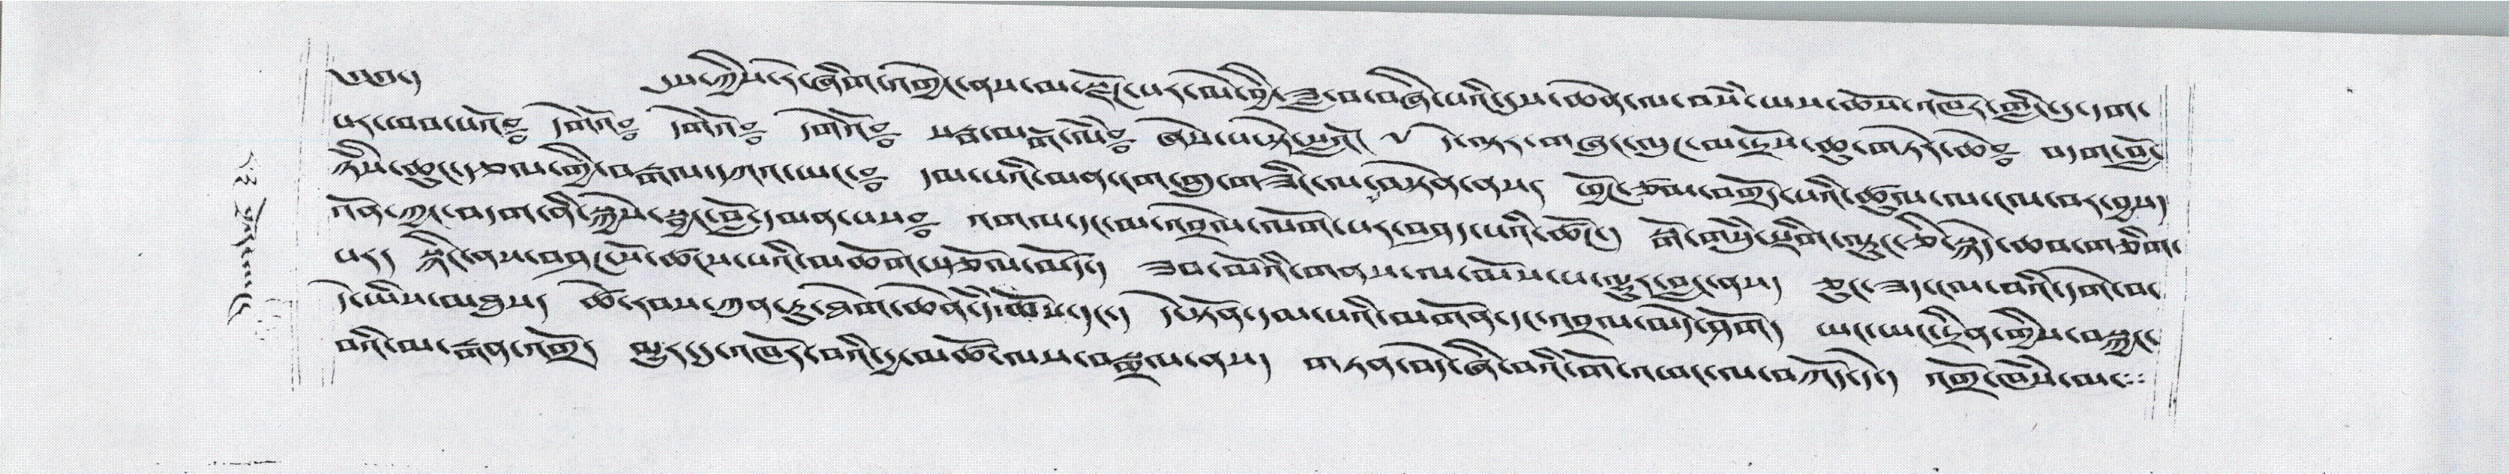དུས་ཀྱིས་རེ་ཞིག་འགྱངས་ནས་མ་རྫོགས་པར་མེ་བྱི་ཟླ་བ་བཞི་པའི་དུས་ཆེན་ལ་བསམ་ཡས་ཆོས་འཁོར་གླིང་དུ་དག་
པར་ཕབ་པའོ༔༔ དགེའོ༔ དགེའོ༔ དགེའོ༔ སརྦ་མངྒ་ལཾ༔ ཞེས་པ་སྟེ་སླའོ། ༧ དེ་ལྟར་གཞུང་ལུགས་མ་དྲོས་ཆུ་གཏེར་ཆེ༔ བདག་བློ་
ཉམ་ཆུང་རྩལ་གྱིས་བརྒལ་དཀའ་ཡང༔ དམ་པའི་མན་ངག་གྲུ་གཟིངས་ལ་བརྟེན་ནས༔ ཕྱོགས་ཙམ་བགྲོད་པའི་ཚུལ་ལ་ངལ་བར་བྱས༔ 
འོན་ཀྱང་བདག་ནི་སྐྱེས་སྦྱངས་བློ་དམན་པས༔ འགལ་དང་མ་འབྲེལ་ལོག་པར་བཤད་པའི་ཚོགས༔ སྒོ་གསུམ་སྡིག་ལྟུང་ཅི་སྙེད་ཆབས་ཅིག་
པར༔ སྙིང་ནས་བཤགས་སོ་ཚངས་པའི་མཆོག་སྩོལ་མཛོད༔ ཟབ་མོའི་གནས་ལ་མོས་པ་ལྷུར་བླངས་ནས། ཅུང་ཟད་ངལ་བའི་དགེ་བ་
དེ་ཡི་མཐུས། ཚེ་རབས་ཀུན་ཏུ་ཐེག་ཆེན་དམ་ཆོས་དང་། དེ་སྟོན་དམ་པའི་མགོན་དང་འབྲལ་མེད་ཤོག ཡང་ཡང་དྲིན་གྱིས་བསྐྱངས་
པའི་མ་རྒན་འགྲོ། མྱུར་དུ་འཁོར་བའི་རྒྱ་མཚོ་ལས་བསྒྲལ་ནས། གཏན་བདེ་ཞི་བའི་གོ་འཕང་ལ་བཀོད་དེ། འགྲོ་ཁམས་མ་